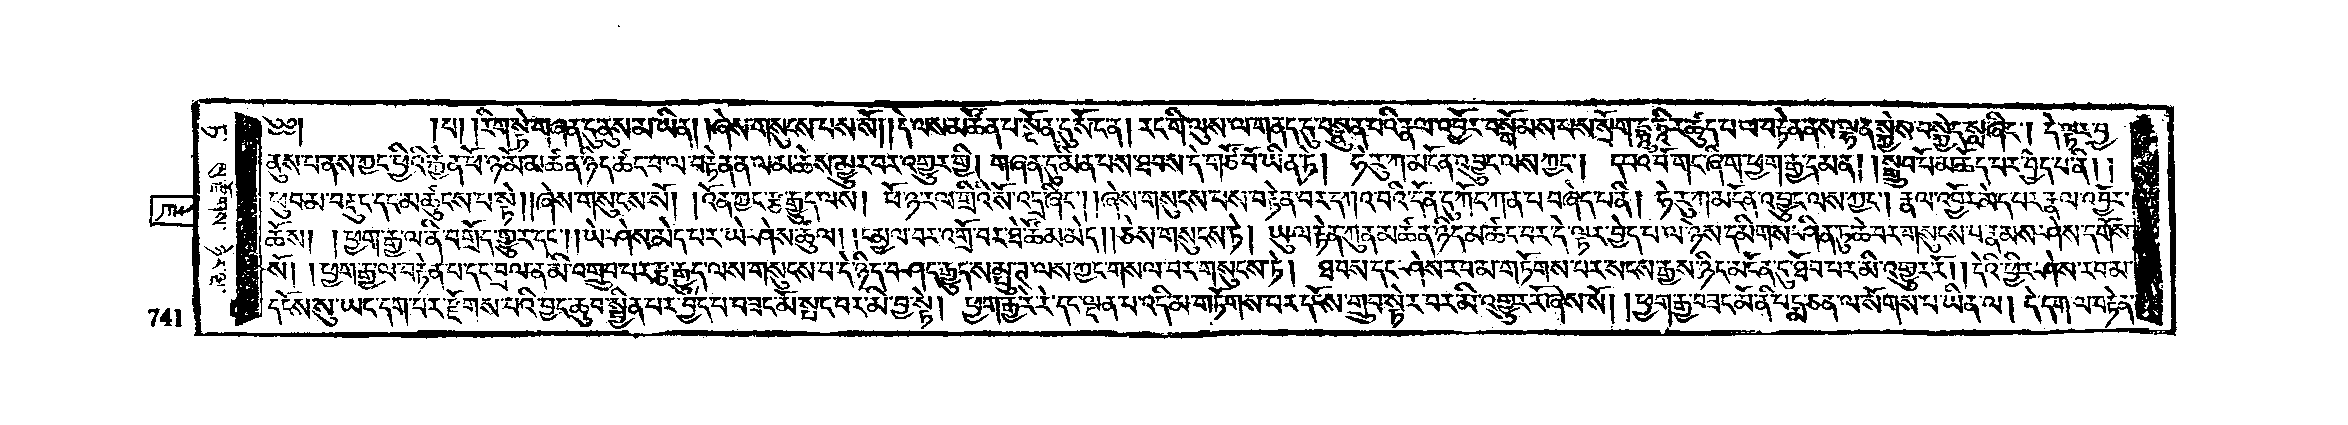༄༅། །པ། །རིག་སྟེ་གཞན་དུ་ནུས་མ་ཡིན། །ཞེས་གསུངས་པས་སོ། །དེ་ལས་མཚོན་པ་སྔོན་དུ་སོང་ན། རྣག་གི་ལུས་ལ་གནད་དུ་བསྣུན་པའི་རྣལ་འབྱོར་བསྒོམས་པས་སྲོག་དྷཱུ་ཏཱིར་ཚུད་པ་ལ་བརྟེན་ནས་ལྷན་སྐྱེས་བསྐྱེད་སླ་ཞིང་། དེ་ལྟར་བྱ་
ནུས་པ་ནས་ཀྱང་ཕྱིའི་རྐྱེན་ཕོ་ཉ་མོ་མཚན་ཉིད་ཚང་བ་ལ་བརྟེན་ན་ལམ་ཆེས་མྱུར་བར་འགྱུར་གྱི། གཞན་དུ་མིན་པས་ཐབས་དེ་གཙོ་བོ་ཡིན་ཏེ། ཧེ་རུ་ཀ་མངོན་འབྱུང་ལས་ཀྱང་། དཔའ་བོ་གང་ཞིག་ཕྱག་རྒྱ་དམན། །སྒྲུབ་པོ་མཆོད་པར་བྱེད་པ་ནི། །
ཕུབ་མ་བརྡུང་དང་མཚུངས་པ་སྟེ། །ཞེས་གསུངས་སོ། །འོན་ཀྱང་རྩ་རྒྱུད་ལས། ཕོ་ཉ་རལ་གྲིའི་སོ་འདྲ་ཞིང་། །ཞེས་གསུངས་པས་བརྟེན་བར་དཀའ་བའི་དོན་དུ་ཀོང་ཀ་ན་པ་བཞེད་པ་ནི། ཧེ་རུ་ཀ་མངོན་འབྱུང་ལས་ཀྱང་། རྣལ་འབྱོར་མེད་པར་རྣལ་འབྱོར་
ཆོས། །ཕྱག་རྒྱ་ལ་ནི་བགྲོད་གྱུར་དང་། །ཡེ་ཤེས་མེད་པར་ཡེ་ཤེས་ཚུལ། །དམྱལ་བར་འགྲོ་བར་ཐེ་ཚོམ་མེད། །ཅེས་གསུངས་ཏེ། ཡུལ་རྟེན་ཀུན་མཚན་ཉིད་མ་ཚང་བར་དེ་ལྟར་བྱེད་པ་ལ་ཉེས་དམིགས་ཤིན་ཏུ་ཆེ་བར་གསུངས་པ་རྣམས་ཤེས་དགོས་
སོ། །ཕྱག་རྒྱ་ལ་བརྟེན་པ་དང་བྲལ་ན་མི་འགྲུབ་པར་རྩ་རྒྱུད་ལས་གསུངས་པ་དེ་ཉིད་བཤད་རྒྱུད་སམྤུ་ཊ་ལས་ཀྱང་གསལ་བར་གསུངས་ཏེ། ཐབས་དང་ཤེས་རབ་མ་གཏོགས་པར་སངས་རྒྱས་ཉིད་མངོན་དུ་ཐོབ་པར་མི་འགྱུར་རོ། །དེའི་ཕྱིར་ཤེས་རབ་མ་
དངོས་སུ་ཡང་དག་པར་རྫོགས་པའི་བྱང་ཆུབ་སྦྱིན་པར་བྱེད་པ་བཟང་མོ་སྤང་བར་མི་བྱ་སྟེ། ཕྱག་རྒྱ་རེ་རེ་དང་ལྡན་པ་འདི་མ་གཏོགས་པར་དངོས་གྲུབ་སྟེར་བར་མི་འགྱུར་རོ་ཞེས་སོ། །ཕྱག་རྒྱ་བཟང་མོ་ནི་པདམ་ཅན་ལ་སོགས་པ་ཡིན་ལ། དེ་དག་ལ་བརྟེན་